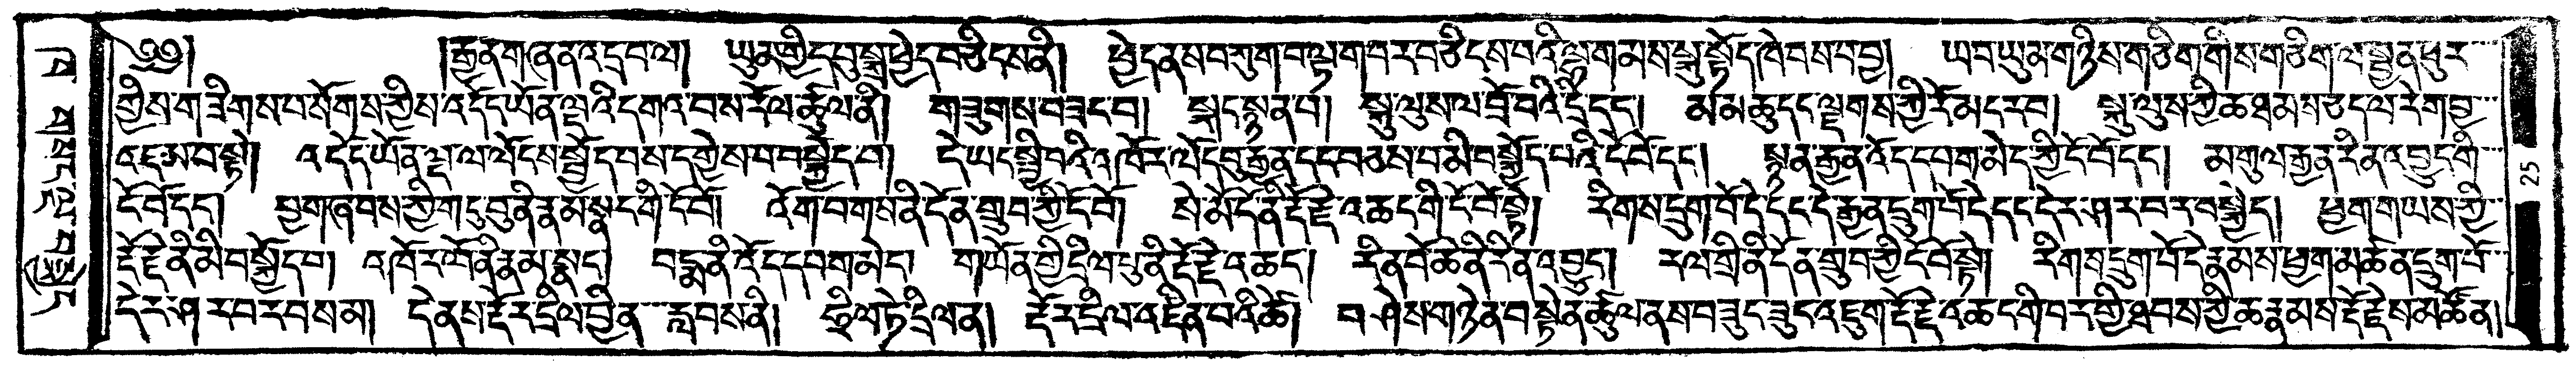༄༅། །རྒྱན་གཞན་འདྲ་བ་ལ། ཡུམ་གྱི་དབུ་སྐྲ་ཕྱེད་བཅིངས་ནི། ཕྱེད་ནས་བཀུག་བ་ལྟག་བར་བཅིངས་པའི་ལྷག་མས་སྐུ་སྟོད་ཁེབས་པ་བྱ། ཡབ་ཡུམ་གཉིས་གཅིག་གིས་གཅིག་ལ་སྤྱན་ཕུར་
གྱིས་གཟིགས་པ་སོགས་ཀྱིས་འདོད་ཡོན་ལྔའི་དགའ་བས་རོལ་ཚུལ་ནི། གཟུགས་བཟང་བ། སྐད་སྙན་པ། སྐུ་ལུས་ལ་བྲོ་བའི་དྲི་དང་། མ་མཆུ་དང་ལྗགས་ཀྱི་རོ་མངར་བ། སྐུ་ལུས་ཀྱི་ཆ་ཐམས་ཅད་ལ་རེག་བྱ་
འཇམ་པ་སྟེ། འདོད་ཡོན་ལྔ་ལ་ལོངས་སྤྱོད་པས་དགྱེས་པ་བསྐྱེད་བ། དེ་ཡང་སྤྱི་བའི་འཁོར་ལོ་དབུ་རྒྱན་དང་བཅས་པ་མི་བསྐྱོད་པའི་ངོ་བོ་དང་། སྙན་རྒྱན་འོད་དཔག་མེད་ཀྱི་ངོ་བོ་དང་། མགུལ་རྒྱན་རིན་འབྱུང་གི་
ངོ་བོ་དང་། ཕྱག་ཞབས་ཀྱི་གདུ་བུ་ནི་རྣམ་སྣང་གི་ངོ་བོ། འོག་བགས་ནི་དོན་གྲུབ་ཀྱི་ངོ་བོ། སེ་མོ་དོ་ནི་རྡོ་རྗེ་འཆང་གི་ངོ་བོ་སྟེ། རིགས་དྲུག་པོ་དེ་དང་དེ་རྒྱན་དྲུག་པོ་དེ་དང་དེར་ཤར་བར་བསྐྱེད། ཕྱག་གཡས་ཀྱི་
རྡོ་རྗེ་ནི་མི་བསྐྱོད་པ། འཁོར་ལོ་ནི་རྣམ་སྣང་། པདམ་ནི་འོད་དཔག་མེད། གཡོན་གྱི་དྲིལ་བུ་ནི་རྡོ་རྗེ་འཆང་། རིན་པོ་ཆེ་ནི་རིན་འབྱུང་། རལ་གྲི་ནི་དོན་གྲུབ་ཀྱི་ངོ་བོ་སྟེ། རིགས་དྲུག་པོ་དེ་རྣམས་ཕྱག་མཚན་དྲུག་པོ་
དེར་ཤར་བར་བསམ། དེ་ནས་རྡོར་དྲིལ་བྱིན་རླབས་ནི། ཧྲིལ་ཏེ་དྲིལ་ན། རྡོར་དྲིལ་འཛིན་པའི་ཚེ། བཤེས་གཉེན་བསྟེན་ཚུལ་ནས་བཟུང་ཟུང་འཇུག་རྡོ་རྗེ་འཆང་གི་བར་གྱི་ཐབས་ཀྱི་ཆ་རྣམས་རྡོ་རྗེས་མཚོན།